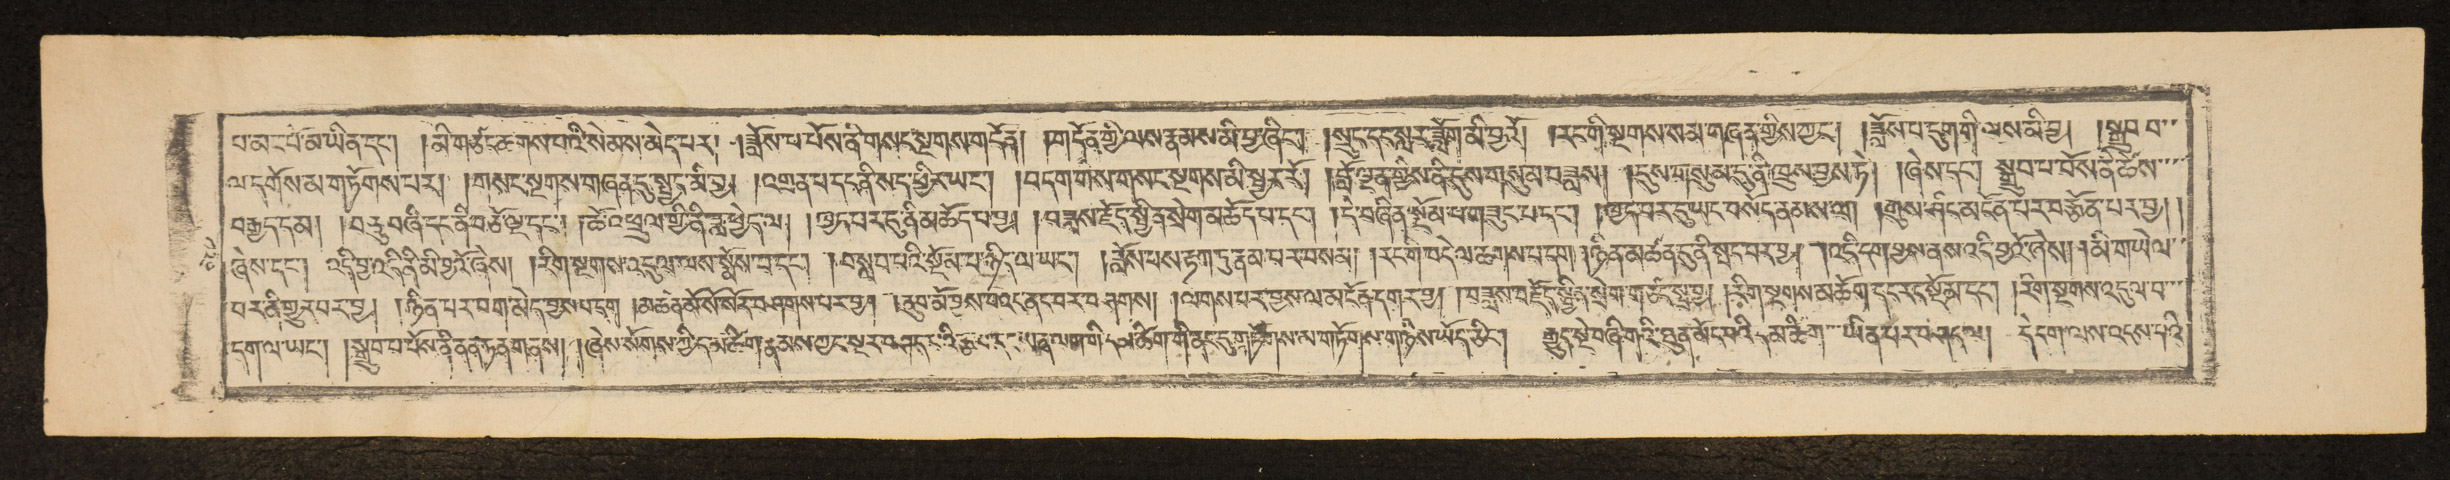པ་མང་པོ་མ་ཡིན་དང་། །མི་གཙང་ཆགས་པའི་སེམས་མེད་པར། །ཟློས་པ་པོས་ནི་གསང་སྔགས་གདོན། །གདོན་གྱི་ལས་རྣམས་མི་བྱ་ཞིང་། །སྲུང་དང་སླར་ཟློག་མི་བྱའོ། །རང་གི་སྔགས་སམ་གཞན་གྱིས་ཀྱང་། །ཟློས་བ་དུག་གི་ལས་མི་བྱ། །སྒྲུབ་བ་
ལ་དགོས་མ་གཏོགས་པར། །གསང་སྔགས་གཞན་དུ་སྦྱང་མི་བྱ། །འགྲན་པ་དང་ནི་སད་ཕྱིར་ཡང་། །བདག་གིས་གསང་སྔགས་མི་སྦྱར་རོ། །བློ་ལྡན་གྱིས་ནི་དུས་གསུམ་བཟླས། །དུས་གསུམ་དུ་ནི་ཁྲུས་བྱས་ཏེ། །ཞེས་དང་། སྒྲུབ་པ་བོས་ནི་ཚེས་
བརྒྱད་དམ། །བཅུ་བཞི་དང་ནི་བཅོ་ལྔ་དང་། །ཆོ་འཕྲུལ་གྱི་ནི་ཟླ་ཕྱེད་ལ། །ཁྱད་པར་དུ་ནི་མཆོད་པ་བྱ། །བཟླས་རྗོད་སྦྱིན་སྲེག་མཆོད་པ་དང་། །དེ་བཞིན་སྡོམ་པ་གཟུང་བ་དང་། །ཁྱད་པར་དུ་ཡང་བསོད་ནམས་ལ། །གུས་ཤིང་མངོན་པར་བརྩོན་པར་བྱ། །
ཞེས་དང་། འདི་བྱ་འདི་ནི་མི་བྱའོ་ཞེས། །རིག་སྔགས་འདུལ་ལས་སྨོས་པ་དང་། །བསླབ་པའི་སྡོམ་པ་ཉིད་ལ་ཡང་། །བློས་པས་རྟག་ཏུ་རྣམ་པར་བསམ། །རང་གི་བདེ་ལ་ཆགས་པ་དག །ཉིན་མཚན་དུ་ནི་སྤང་བར་བྱ། །འདི་དག་བྱས་ནས་འདི་བྱའོ་ཞེས། །མི་གཡེལ་
བར་ནི་གྱུར་བར་བྱ། །ཉིན་པར་བག་མེད་བྱས་པ་དག །མཆེན་མོ་སོ་སོར་བཤགས་པར་བྱ། །ནུབ་མོ་བྱས་པའང་ནང་བར་བཤགས། །ལེགས་པར་བྱས་ལ་མངོན་དགར་བྱ། །བཟླས་བརྗོད་སྦྱིན་སྲེག་གཙང་སྤྲ་བྱ། །རིག་སྔགས་མཆོག་དང་རང་སྡོམ་དང་། །རིག་སྔགས་འདུལ་བ་
དག་ལ་ཡང་། །སྒྲུབ་པ་བོས་ནི་ནན་ཏན་གནས། །ཞེས་སོགས་ཀྱི་དམ་ཚིག་རྣམས་ཀྱང་སྔར་བཤད་པའི་རྩ་བ་དང་ཡན་ལག་གི་དམ་ཚིག་གི་ནང་དུ་གཏོགས་མ་གཏོགས་གཉིས་ཡོད་ཅིང་། རྒྱུད་སྡེ་བཞི་གའི་ཐུན་མོང་བའི་དམ་ཚིག་ཡིན་པར་བཤད་ལ། དེ་དག་ལས་འདས་པའི་